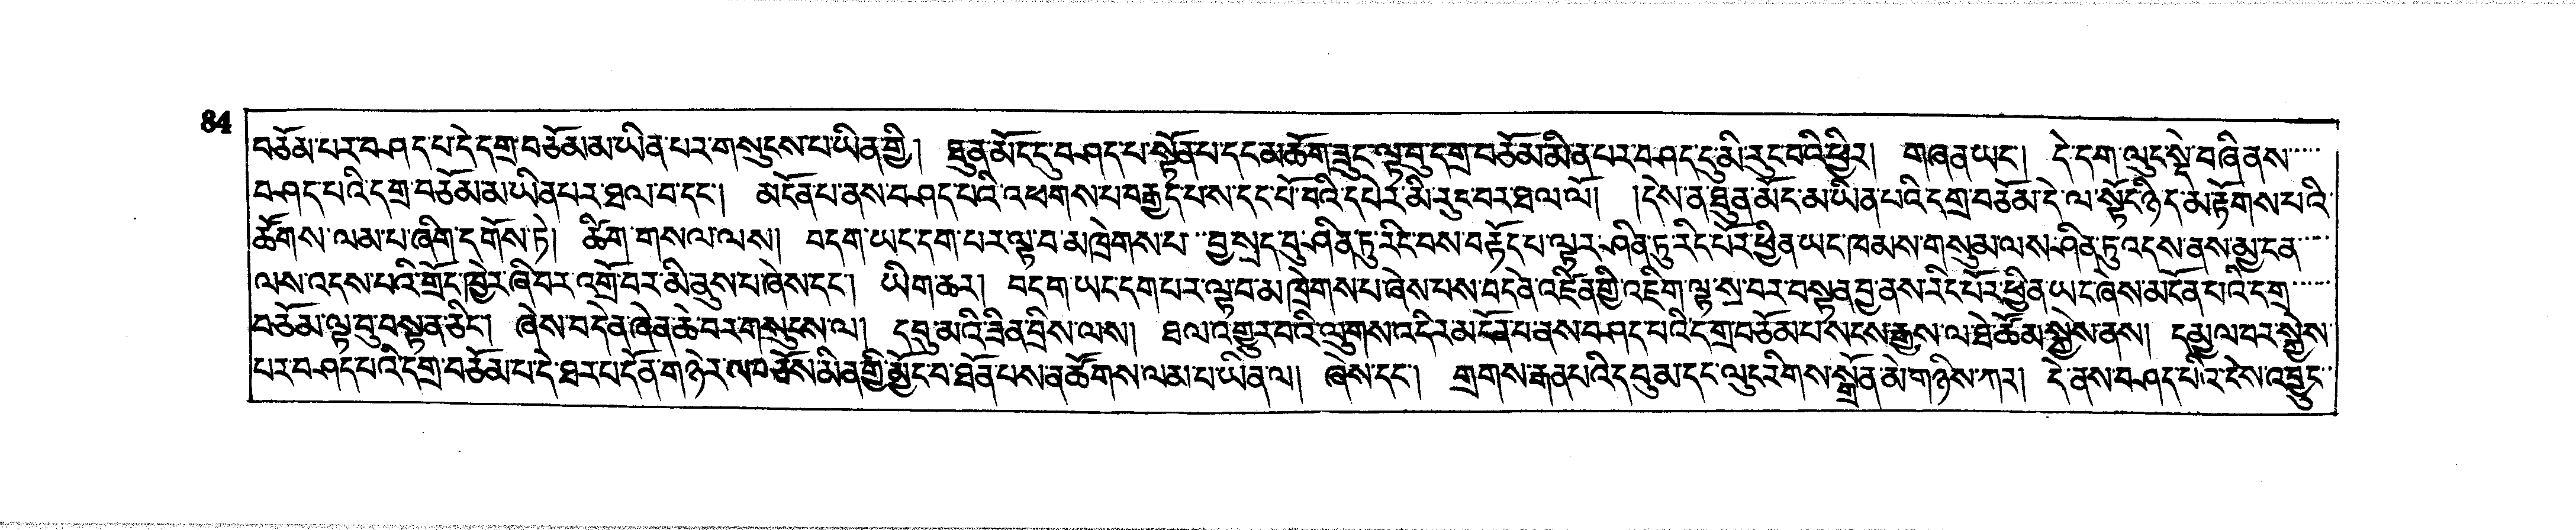བཅོམ་པར་བཤད་པ་དེ་དགྲ་བཅོམ་མ་ཡིན་པར་གསུངས་པ་ཡིན་གྱི། ཐུན་མོང་དུ་བཤད་པ་སྟོན་པ་དང་མཆོག་ཟུང་ལྟ་བུ་དགྲ་བཅོམ་མིན་པར་བཤད་དུ་མི་རུང་བའི་ཕྱིར། གཞན་ཡང་། དེ་དག་ལུང་སྡེ་བཞི་ནས་
བཤད་པའི་དགྲ་བཅོམ་མ་ཡིན་པར་ཐལ་བ་དང་། མངོན་པ་ནས་བཤད་པའི་འཕགས་པ་བརྒྱད་པ་ས་དང་པོ་བའི་དཔེར་མི་རུང་བར་ཐལ་ལོ། །དེས་ན་ཐུན་མོང་མ་ཡིན་པའི་དགྲ་བཅོམ་དེ་ལ་སྟོང་ཉིད་མ་རྟོགས་པའི་
ཚོགས་ལམ་པ་ཞིག་དགོས་ཏེ། ཚིག་གསལ་ལས། བདག་ཡང་དག་པར་ལྟ་བ་མཁྲེགས་པ་བྱ་སྲད་བུ་ཤིན་ཏུ་རིང་བས་བརྟོད་པ་ལྟར་ཤིན་ཏུ་རིང་པོར་ཕྱིན་ཡང་ཁམས་གསུམ་ལས་ཤིན་ཏུ་འདས་ནས་མྱ་ངན་
ལས་འདས་པའི་གྲོང་ཁྱེར་ཞི་བར་འགྲོ་བར་མི་ནུས་པ་ཞེས་དང་། ཡིག་ཆར། བདག་ཡང་དག་པར་ལྟ་བ་མཁྲེགས་པ་ཞེས་པས་བདེན་འཛིན་གྱི་འཇིག་ལྟ་སྲ་བར་བསྟན་བྱ་ནས་རིང་པོར་ཕྱིན་ཡང་ཞེས་མངོན་པའི་དགྲ་
བཅོམ་ལྟ་བུ་བསྟན་ཅིང་། ཞེས་བདེན་ཞེན་ཆེ་བར་གསུངས་ལ། དབུ་མའི་ཟིན་བྲིས་ལས། ཐལ་འགྱུར་བའི་ལུགས་འདིར་མངོན་པ་ནས་བཤད་པའི་དགྲ་བཅོམ་པ་སངས་རྒྱས་ལ་ཐེ་ཚོམ་སྐྱེས་ནས། དམྱལ་བར་སྐྱེས་
པར་བཤད་པའི་དགྲ་བཅོམ་པ་དེ་ཐར་པ་དོན་གཉེར་ལ་བཅོས་མིན་གྱི་མྱོང་བ་ཐོན་པས་ན་ཚོགས་ལམ་པ་ཡིན་ལ། ཞེས་དང་། གྲགས་རྒན་པའི་དབུ་མ་དང་ལུང་རིགས་སྒྲོན་མེ་གཉིས་ཀར། དེ་ནས་བཤད་པའི་ངེས་འབྱུང་